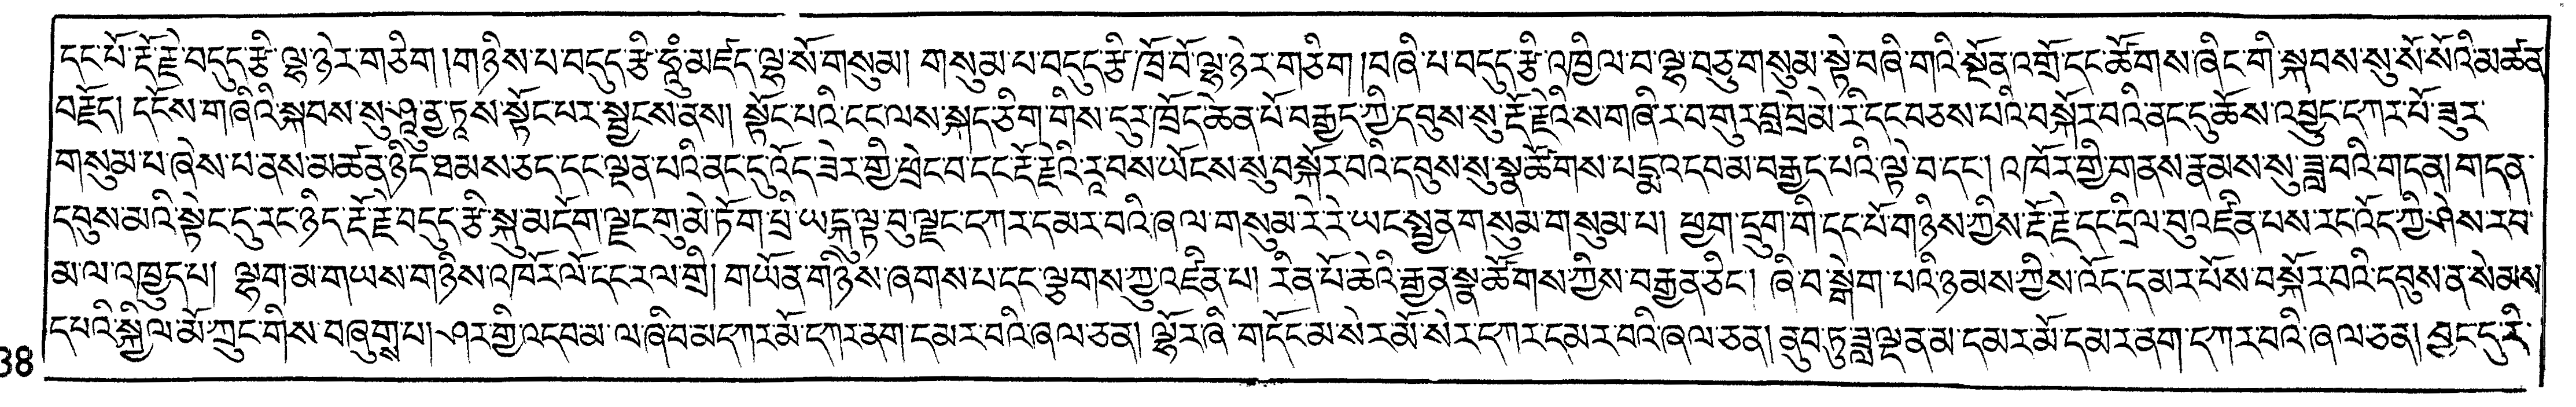དང་པོ་རྡོ་རྗེ་བདུད་རྩི་ལྷ་ཉེར་གཅིག །གཉིས་པ་བདུད་རྩི་ཧཱུཾ་མཛད་ལྷ་སོ་གསུམ། གསུམ་པ་བདུད་རྩི་ཁྲོ་བོ་ལྷ་ཉེར་གཅིག །བཞི་པ་བདུད་རྩི་འཁྱིལ་བ་ལྷ་བཅུ་གསུམ་སྟེ་བཞི་གའི་སྔོན་འགྲོ་དང་ཚོགས་ཞིང་གི་སྐབས་སུ་སོ་སོའི་མཚན་
བརྗོད། དངོས་གཞིའི་སྐབས་སུ་ཤཱུ་ནྱ་ཏཱས་སྟོང་པར་སྦྱངས་ནས། སྟོང་པའི་ངང་ལས་སྐད་ཅིག་གིས་དུར་ཁྲོད་ཆེན་པོ་བརྒྱད་ཀྱི་དབུས་སུ་རྡོ་རྗེའི་ས་གཞི་ར་བ་གུར་བླ་བྲེ་མེ་རི་དང་བཅས་པའི་བསྐོར་བའི་ནང་དུ་ཆོས་འབྱུང་དཀར་པོ་ཟུར་
གསུམ་པ་ཞེས་པ་ནས་མཚན་ཉིད་ཐམས་ཅད་དང་ལྡན་པའི་ནང་དུ་འོད་ཟེར་གྱི་ཕྲེང་བ་དང་རྡོ་རྗེའི་རཱ་བས་ཡོངས་སུ་བསྐོར་བའི་དབུས་སུ་སྣ་ཚོགས་པདམ་འདབ་མ་བརྒྱད་པའི་ལྟེ་བ་དང་། འཁོར་གྱི་གནས་རྣམས་སུ་ཟླ་བའི་གདན། གདན་
དབུས་མའི་སྟེང་དུ་རང་ཉིད་རྡོ་རྗེ་བདུད་རྩི་སྐུ་མདོག་ལྗང་གུ་མེ་ཏོག་པྲི་ཡངྐུ་ལྟ་བུ་ལྗང་དཀར་དམར་བའི་ཞལ་གསུམ་རེ་རེ་ཡང་སྤྱན་གསུམ་གསུམ་པ། ཕྱག་དྲུག་གི་དང་པོ་གཉིས་ཀྱིས་རྡོ་རྗེ་དང་དྲིལ་བུ་འཛིན་པས་རང་འོད་ཀྱི་ཤེས་རབ་མ་ལ་འཁྱུད་པ། ལྷག་མ་གཡས་གཉིས་འཁོར་ལོ་དང་རལ་གྲི། གཡོན་གཉིས་ཞགས་པ་དང་ལྕགས་ཀྱུ་འཛིན་པ། རིན་པོ་ཆེའི་རྒྱན་སྣ་ཚོགས་ཀྱིས་བརྒྱན་ཅིང་། ཞི་བ་སྒེག་པའི་ཉམས་ཀྱིས་འོད་དམར་པོས་བསྐོར་བའི་དབུས་ན་སེམས་
དཔའི་སྐྱིལ་མོ་ཀྲུང་གིས་བཞུགས་པ། ཤར་གྱི་འདབ་མ་ལ་ཞི་བ་མ་དཀར་མོ་དཀར་ནག་དམར་བའི་ཞལ་ཅན། ལྷོར་ཞི་གདོང་མ་སེར་མོ་སེར་དཀར་དམར་བའི་ཞལ་ཅན། ནུབ་ཏུ་ཟླ་ལྡན་མ་དམར་མོ་དམར་ནག་དཀར་བའི་ཞལ་ཅན། བྱང་དུ་རི་